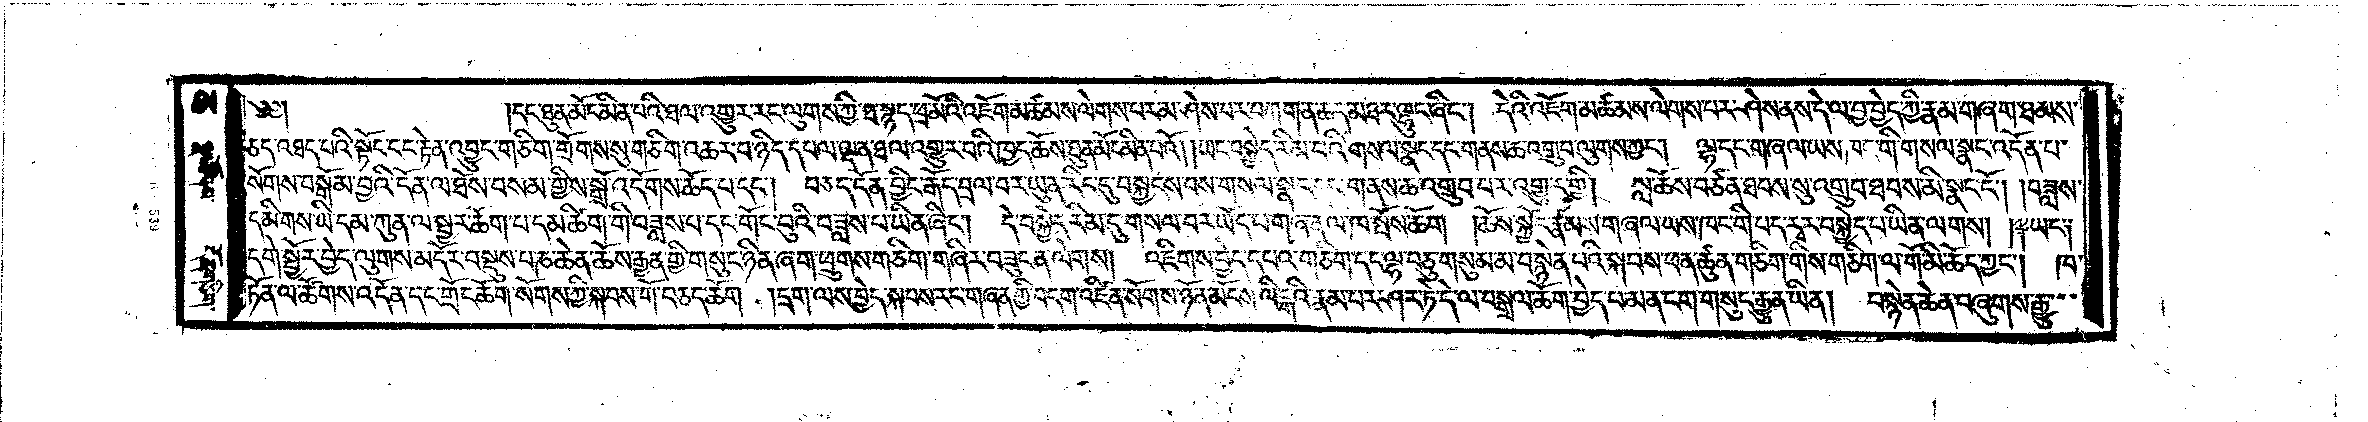༄༅། །དང་ཐུན་མོང་མིན་པའི་ཐལ་འགྱུར་རང་ལུགས་ཀྱི་ཐ་སྙད་ཕྲ་མོའི་འཇོག་མཚམས་ལེགས་པར་མ་ཤེས་པར་བཀག་ན་ཆད་མཐར་ལྷུང་ཞིང་། དེའི་འཇོག་མཚམས་ལེགས་པར་ཤེས་ནས་དེ་ལ་བྱ་བྱེད་ཀྱི་རྣམ་གཞག་ཐམས་
ཅད་འཐད་པའི་སྟོང་དང་རྟེན་འབྱུང་གཅིག་གྲོགས་སུ་གཅིག་འཆར་བ་ཉིད་དཔལ་ལྡན་ཐལ་འགྱུར་བའི་ཁྱད་ཆོས་ཐུན་མོང་མིན་པའོ། །ཡང་བསྐྱེད་རིམ་པའི་གསལ་སྣང་དང་གནས་ཆ་འགྲུབ་ལུགས་ཀྱང་། ལྷ་དང་གཞལ་ཡས་ཁང་གི་གསལ་སྣང་འདོན་པ་
སོགས་བསྒོམ་བྱའི་དོན་ལ་ཐོས་བསམ་གྱིས་སྒྲོ་འདོགས་ཆོད་པ་དང་། བཅད་དོན་བྱིང་རྒོད་བྲལ་བར་ཡུན་རིང་དུ་བསྐྱངས་བས་གསལ་སྣང་དང་གནས་ཆ་འགྲུབ་པར་འགྱུར་གྱི། སླ་ཆོས་བཙན་ཐབས་སུ་འགྲུབ་ཐབས་མི་སྣང་ངོ། །བཟླས་
དམིགས་ཡི་དམ་ཀུན་ལ་སྦྱར་ཆོག་པ་དམ་ཚིག་གི་བཟླས་པ་དང་གོང་བུའི་བཟླས་པ་ཡིན་ཞིང་། དེ་བསྐྱེད་རིམ་དུ་གསལ་བར་ཡོད་པ་གཞན་ལ་ཁ་སྤོས་ཆོག །ཆོས་སྐྱོང་རྣམས་གཞལ་ཡས་ཁང་གི་པད་རྭར་བསྐྱེད་པ་ཡིན་ལགས། ། ༈ ཡང༑
དགེ་སྦྱོར་བྱེད་ལུགས་མདོར་བསྡུས་པཎ་ཆེན་ཆོས་རྒྱན་གྱི་གསུང་ཉིན་ཞག་ཕྲུགས་གཅིག་གཞིར་བཟུང་ན་ལེགས། འཇིགས་བྱེད་དཔའ་གཅིག་དང་ལྷ་བཅུ་གསུམ་མ་བསྙེན་པའི་སྐབས་ཕན་ཚུན་གཅིག་གིས་གཅིག་ལ་གོ་མི་ཆོད་ཀྱང་། ཁ་
ཏོན་ལ་ཚོགས་འདོན་དང་གྲོང་ཆོག་སོགས་ཀྱི་སྐབས་གོ་བཅད་ཆོག །དྲག་ལས་བྱེད་སྐབས་རང་གཞན་གྱི་བདག་འཛིན་སོགས་ཉོན་མོངས་ལིངྒའི་རྣམ་པར་ཤར་ཏེ་དེ་ལ་བསྒྲལ་ཆོག་བྱེད་པ་མན་ངག་གསུང་རྒྱུན་ཡིན། བསྙེན་ཆེན་བཞུགས་རྒྱུ་